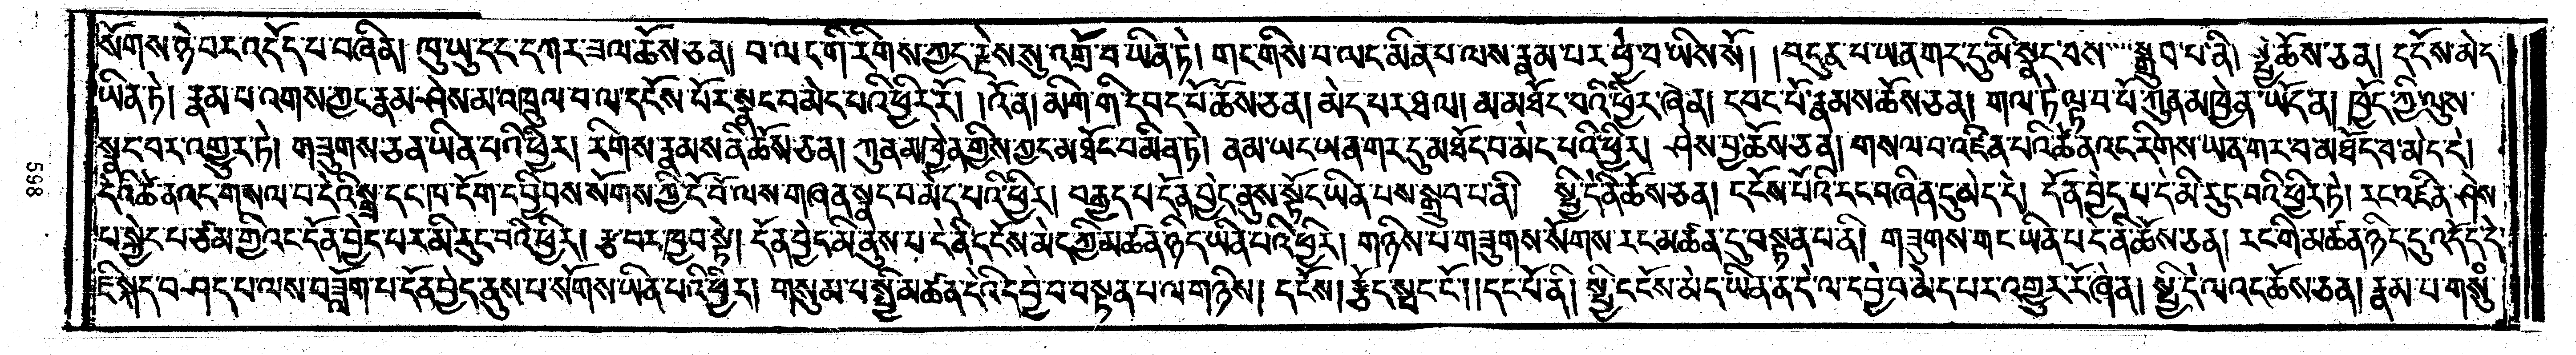སོགས་ཉེ་བར་འདོད་པ་བཞིན། ཁུ་ཡུ་དང་དཀར་ཟལ་ཆོས་ཅན། བ་ལང་གི་རིགས་ཀྱང་རྗེས་སུ་འགྲོ་བ་ཡིན་ཏེ། གང་གིས་བ་ལང་མིན་པ་ལས་རྣམ་པར་ཕྱེ་བ་ཡིས་སོ། །བདུན་པ་ཡན་གང་དུ་མི་སྣང་བས་སྒྲུབ་པ་ནི། སྤྱི་ཆོས་ཅན། དངོས་མེད་
ཡིན་ཏེ། རྣམ་པ་འགས་ཀྱང་རྣམ་ཤེས་མ་འཁྲུལ་བ་ལ་དངོས་པོར་སྣང་བ་མེད་པའི་ཕྱིར་རོ། །འོ་ན། མིག་གི་དབང་པོ་ཆོས་ཅན། མེད་པར་ཐལ། མ་མཐོང་བའི་ཕྱིར་ཞེ་ན། དབང་པོ་རྣམས་ཆོས་ཅན། གལ་ཏེ་ལྟ་བ་པོ་ཀུན་མཁྱེན་ཡོད་ན། ཁྱོད་ཀྱི་ལུས་
སྣང་བར་འགྱུར་ཏེ། གཟུགས་ཅན་ཡིན་པའི་ཕྱིར། རིགས་རྣམས་ནི་ཆོས་ཅན། ཀུན་མཁྱེན་གྱིས་ཀྱང་མཐོང་བ་མིན་ཏེ། ནམ་ཡང་ཡན་གར་དུ་མཐོད་པ་མེད་པའི་ཕྱིར། ཤེས་བྱ་ཆོས་ཅན། གསལ་བ་འཛིན་པའི་ཚེ་ནའང་རིགས་ཡན་གར་བ་མཐོད་པ་མེད་དེ།
དེའི་ཚེ་ནའང་གསལ་བ་དེའི་སྒྲ་དང་ཁ་དོག་དཔྱིབས་སོགས་ཀྱི་ངོ་བོ་ལས་གཞན་སྣང་བ་མེད་པའི་ཕྱིར། བརྒྱད་པ་དོན་བྱེད་ནུས་སྟོང་ཡིན་པས་སྒྲུབ་པ་ནི། སྤྱི་དེ་ནི་ཆོས་ཅན། དངོས་པོའི་རང་བཞིན་དུ་མེད་དེ། དོན་བྱེད་པ་དེ་མི་རུང་བའི་ཕྱིར་ཏེ། རང་འཛིན་ཤེས་
པ་སྐྱེད་པ་ཙམ་གྱིའང་དོན་བྱེད་པར་མི་རུང་བའི་ཕྱིར། རྩ་བར་ཁྱབ་སྟེ། དོན་བྱེད་མི་ནུས་པ་དེ་ནི་དངོས་མེད་ཀྱི་མཚན་ཉིད་ཡིན་པའི་ཕྱིར། གཉིས་པ་གཟུགས་སོགས་རང་མཚན་དུ་བསྟན་པ་ནི། གཟུགས་གང་ཡིན་པ་དེ་ནི་ཆོས་ཅན། རང་གི་མཚན་ཉིད་དུ་འདོད་དེ་
ཇི་སྐད་བཤད་པ་ལས་བཟློག་པ་དོན་བྱེད་ནུས་པ་སོགས་ཡིན་པའི་ཕྱིར། གསུམ་པ་སྤྱི་མཚན་དེའི་དབྱེ་བ་བསྟན་པ་ལ་གཉིས། དངོས། རྩོད་སྤང་ངོ། །དང་པོ་ནི། སྤྱི་དངོས་མེད་ཡིན་ན་དེ་ལ་དབྱེ་བ་མེད་པར་འགྱུར་རོ་ཞེ་ན། སྦྱི་དེ་ལའང་ཆོས་ཅན། རྣམ་པ་གསུཾ་